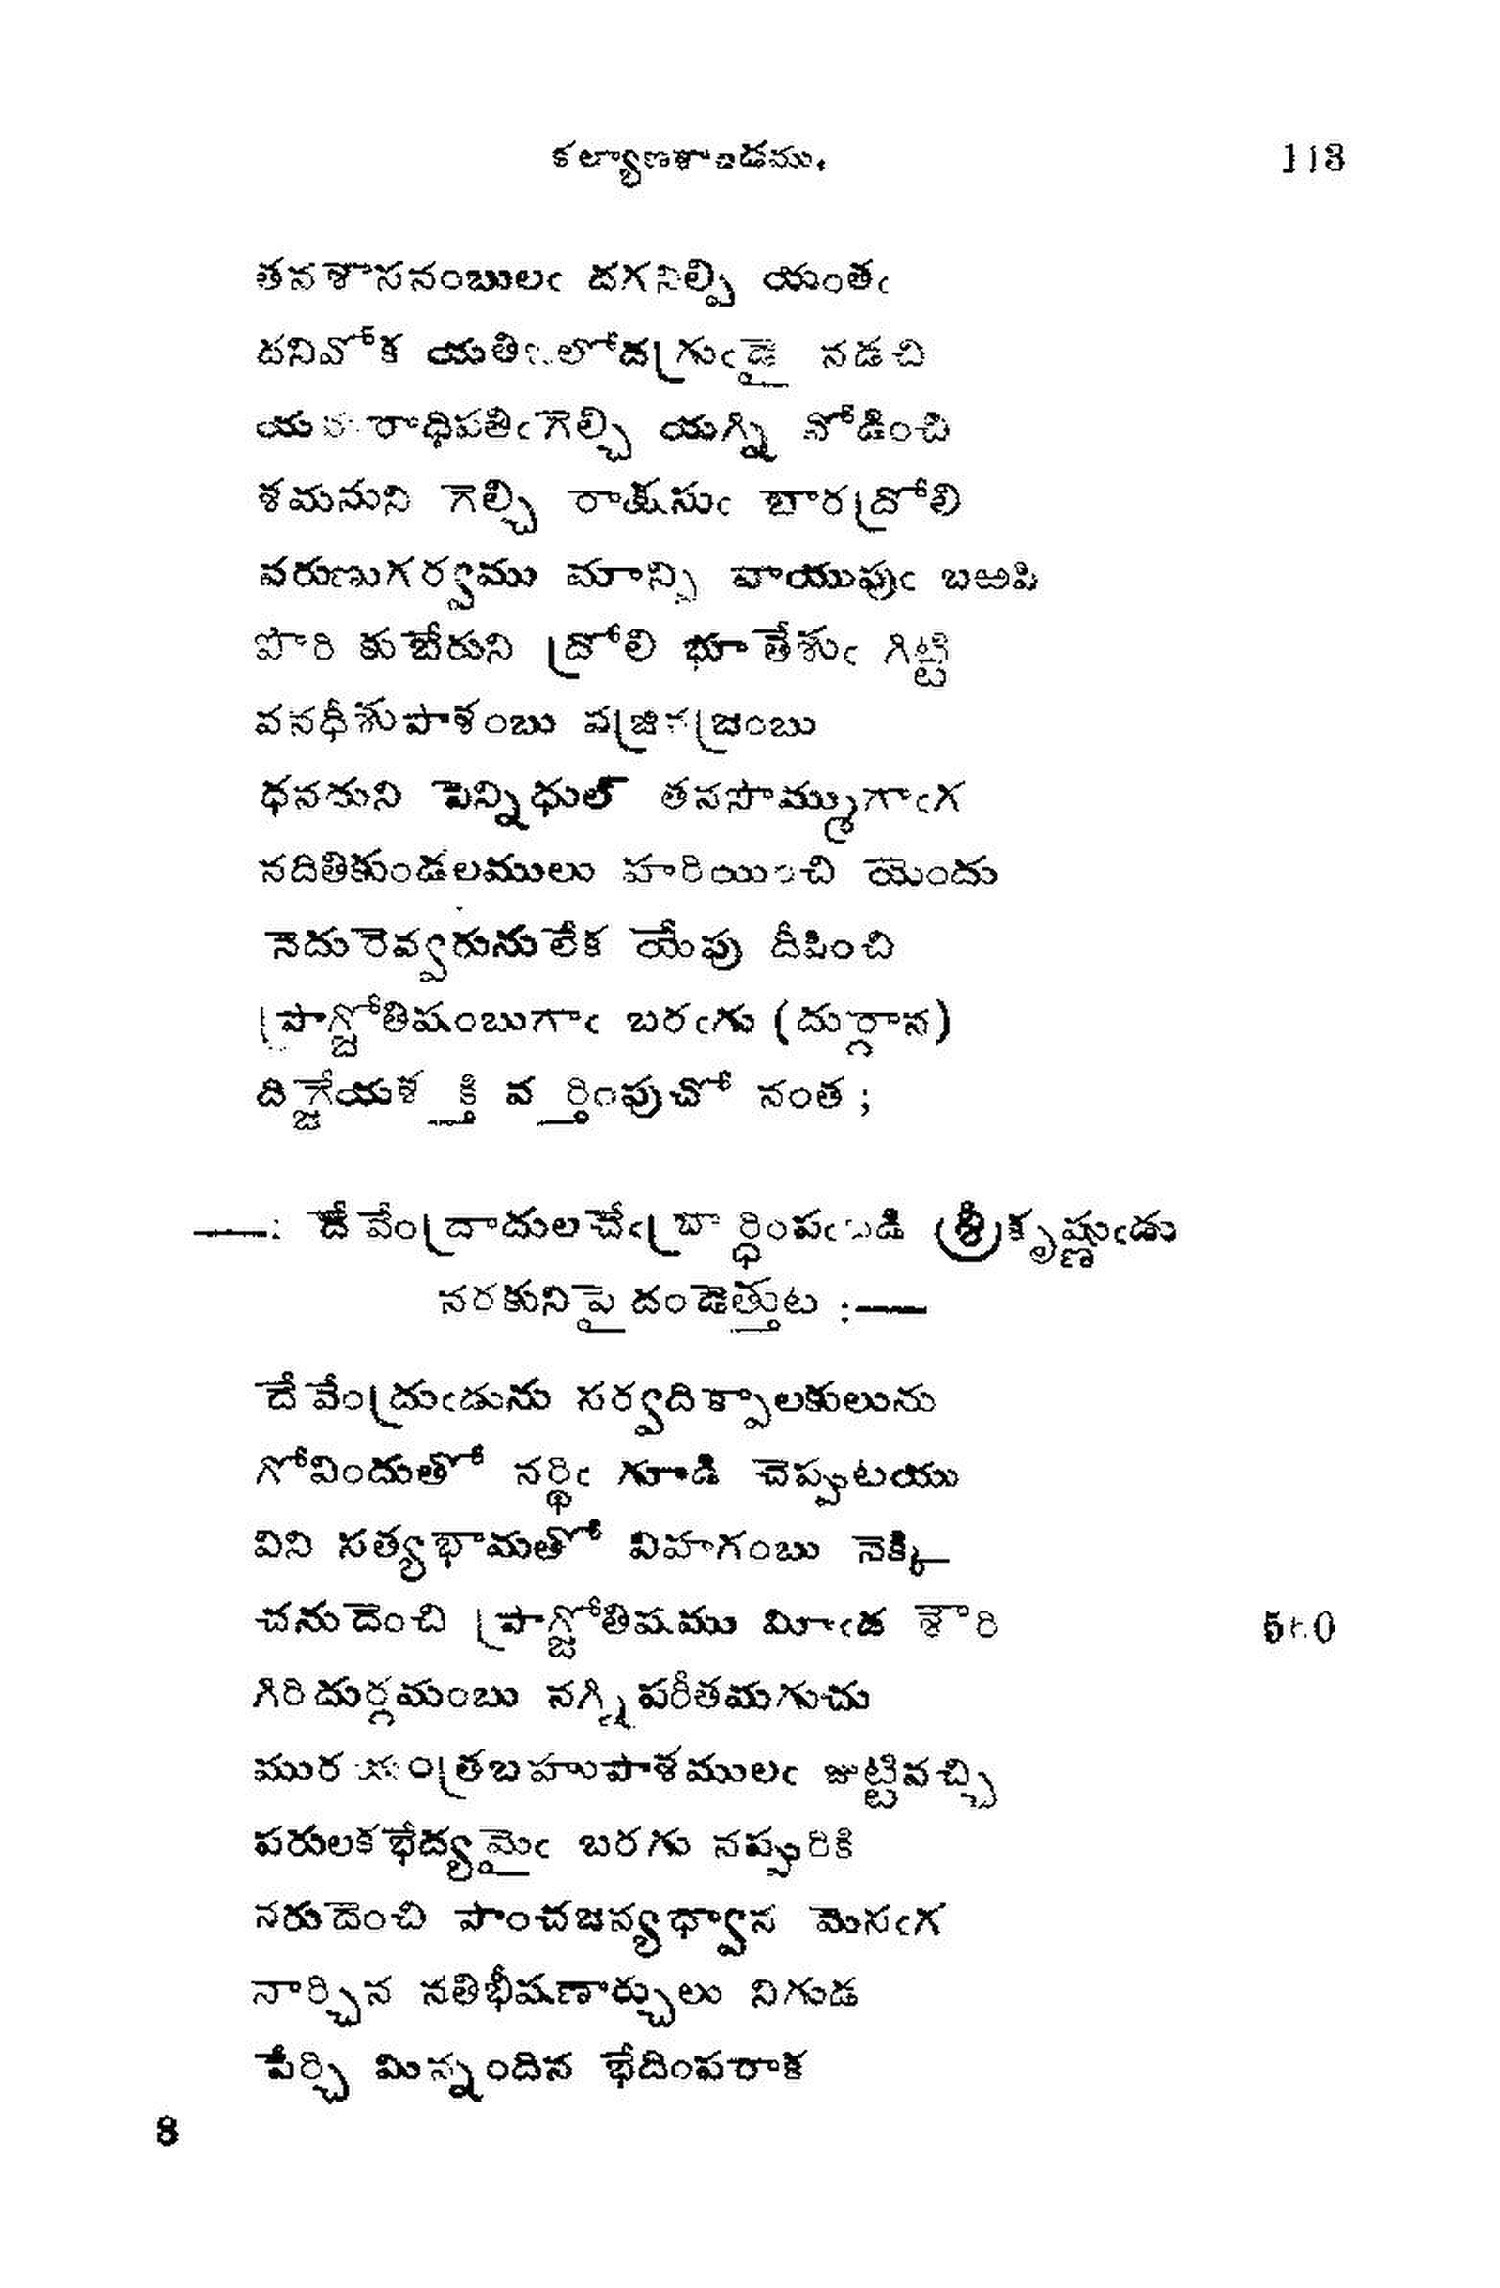తన శాసనంబులఁ దగనిల్పి యంతఁ
దనివోక యతిబలోదగ్రుఁడై నడచి
యమరాధిపతిఁ గెల్చి యగ్ని నోడించి
శమనుని గెల్చి రాక్షసుఁ బార ద్రోలి
వరుణ గర్వము మాన్పి వాయువుఁ బఱపి
పొరి కుబేరుని ద్రోలి భూతేశుఁ గిట్టి
వనధీశుపాశంబు వజ్రివజ్రంబు
ధనదుని పెన్నిధుల్ తనసొమ్ముగాఁగ
నదితి కుండలములు హరియించి యెందు
నెదురెవ్వరునులేక యేపు దీపించి 
ప్రాగ్జోతిషంబుగాఁ బరఁగు(దుర్గాన)
దిగ్జేయశక్తి వర్తింపుచో నంత; 

దేవేంద్రుఁడును సర్వదిక్పాలకులును
గోవిందుతో నర్ధిఁ గూడి చెప్పుటయు
విని సత్యభామతో విహగంబు నెక్కి
చనుదెంచి ప్రాగ్జోతిషము మీఁద శౌరి
గిరి దుర్గమంబు నగ్నిపరీతమగుచు
మురయంత్ర బహుపాశములఁ జుట్టివచ్చి
పరులకభేద్యమైఁ బరగు నప్పురికి
నరుదెంచి పాంచజన్యధ్వాన మెసఁగ
నార్చిన నతిభీషణార్చులు నిగుడ
పేర్చి మిన్నందిన భేదింపరాక